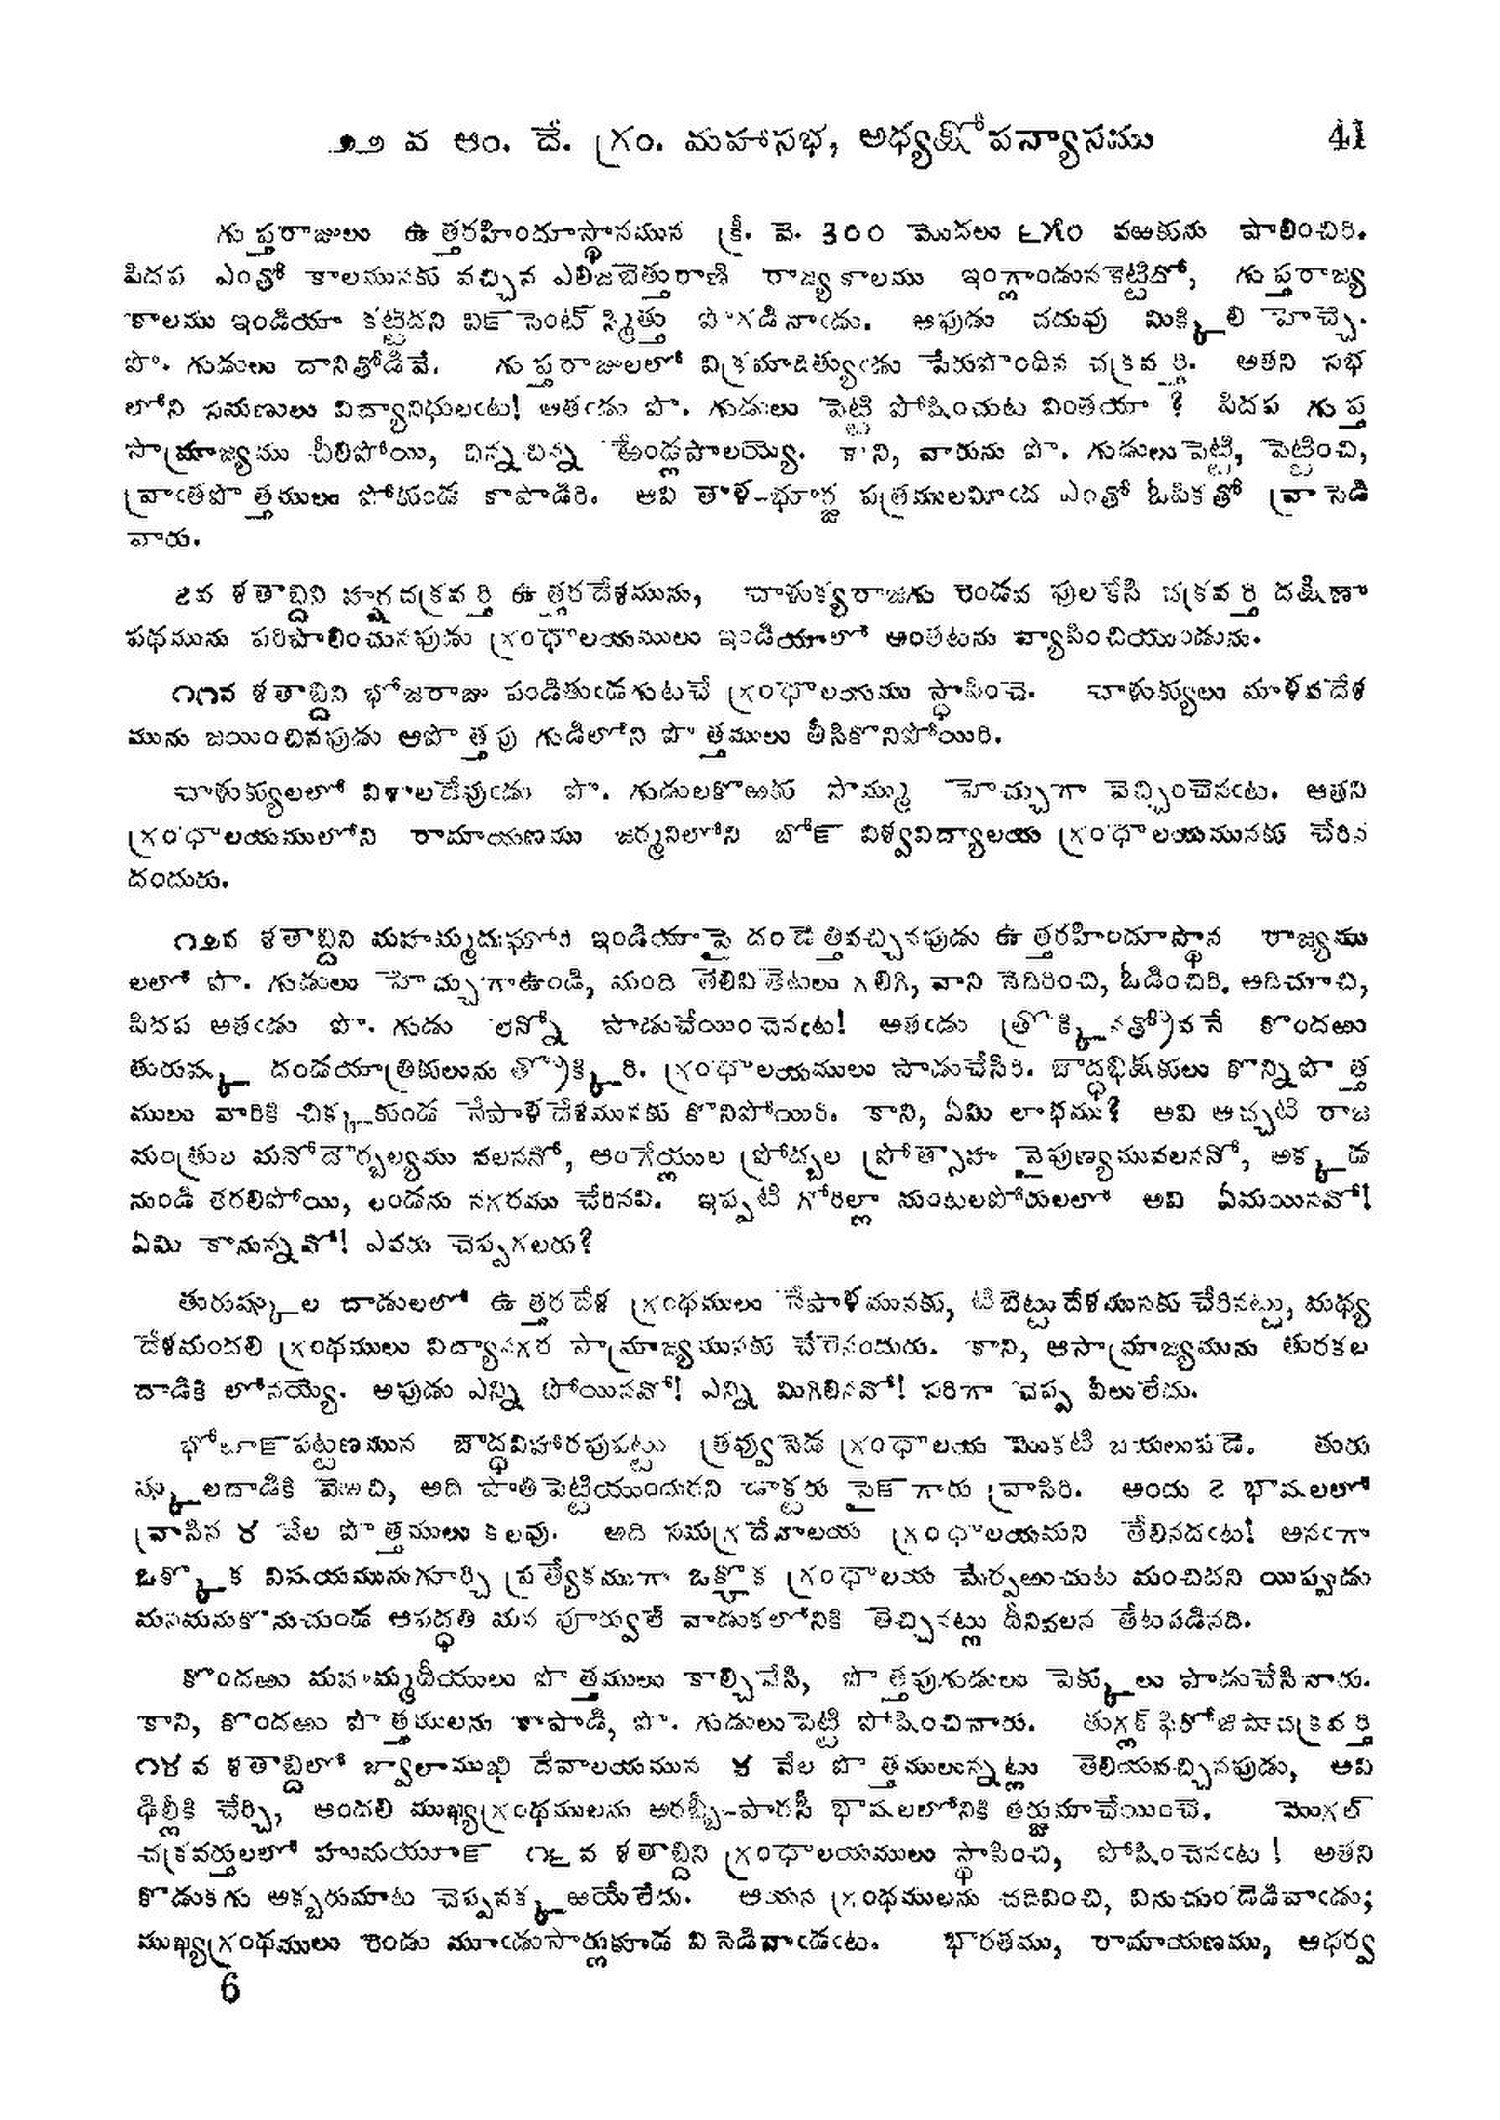గుప్తరాజులు ఉత్తర హిందూస్థానమున క్రీ.వె.౩ంం మొదలు ౬౫౦ వఱకును పాలించిరి. పిదప ఎంతో కాలమునకు
వచ్చిన ఎలిజబెత్తురాణి రాజ్యకాలము ఇంగ్లాండునకెట్టిదో, గుప్తరాజ్యకాలము ఇండియా కట్టదని వి౯ సెంట్ స్మిత్తు 
పొగడినాఁడు. అపుడు చదువు మిక్కిలి హెచ్చి. పొ.గుడులు దానితోడివే. గుప్తరాజులలో విశ్రమాదిత్యుఁడు పేరుపొందిన 
చక్రవర్తి. అతని సభలోని సమణులు విద్యానిధులఁట! అతఁడు పొ.గుడులు పెట్టి పోషించుట వింతయా? పిదప గుప్త
సామ్రాజ్యము చీలిపోయి, చిన్నచిన్న ఱే౦డ్లపాలయ్యె. కాని, వారును పొ.గుడులు పెట్టి, పెట్టించి, వ్రాఁత పొత్తములు 
పోకుండ కాపాడిరి. ఆవి తాళ-భూర్ణ పత్రములమీఁద ఎంతో ఓపికతో వ్రాసెడి వారు.

౭వ శతాబ్దిని హర్షచక్రవర్తి ఈత్తరదేశమును, చాళుక్యరాజగు రెండవ పులకేసి చక్రవర్తి దక్షిణాపథమును పరిపాలించునపుడు
గ్రంధాలయములు ఇండియాలో అంతటను వ్యాపించియుండును.

౧౧న శతాబ్దిని భోజరాజు పండితుఁడగుటచే గ్రంథాలయము స్థాపించె. చాళుక్యులు మాళవదేశమును జయించినపుడు
అపొత్తపు గుడిలోని పొత్తములు తీసికొనిపోయిరి.

చాళుక్యులలో విశాలదేవుఁడు పొ.గుడుల కొఱకు సొమ్ము హెచ్చుగా వెచ్చించెనఁట. ఆతని గ్రంధాలయములోని 
రామాయణము జర్మనిలోని బో౯ విశ్వవిద్యాలయ గ్రంధాలయమునకు చేరిన దందురు.

౧౨వ శతాబ్దిని మహమ్మదుఘోరి ఇండియాపై దండెత్తివచ్చినపుడు ఉత్తరహిందూస్థాన రాజ్యములలో పా.గుడులు 
హెచ్చుగా ఉండి, మంది తెలివితేటలు గలిగి, వాని నెదిరించి, ఓడించిరి. అదిచూచి, పిదప అతఁడు పొ.గుడు 
లెన్నో పాడుచేయించెనఁట! అతఁడు త్రొక్కినతోవనే కొందఱు తురుష్క దండయాత్రికులును తొక్కిరి. గ్రంధాలయములు
పాడుచేసిరి. బౌద్ధభిక్షుకులు కొన్నిపొత్తములు వారికి చిక్కకుండ నేపాళ దేశమునకు కొనిపోయిరి. కాని, ఏమి లాభము? 
అవి ఆచ్చటి రాజ మంత్రుల మనోదౌర్బల్యము వలననో, ఆంగేయుల ప్రోద్బల ప్రోత్సాహ నైపుణ్యమువలననో, అక్కడ
నుండి తరలిపోయి, లండను నగరము చేరినవి. ఇప్పటి గోరిల్లా గుంటలపోరులలో అవి ఏమయినవో!
ఏమి కానున్నవో! ఎవరు చెప్పగలరు?

తురుష్కుల దాడులలో ఉత్తరదేశ గ్రంథములు నేపాళమునకు, టిబెట్టు దేశమునకు చేరినట్టు, మధ్య దేశమందలి 
గ్రంథములు విద్యానగర సామ్రాజ్యమునకు చేరెనందురు. కాని, ఆసామ్రాజ్యమును తురకల దాడికి లోనయ్యే. అపుడు 
ఎన్ని పోయినవో! ఎన్ని మిగిలినవో! సరిగ్గా చెప్ప వీలులేదు.

భూటాన్ పట్టణమున బౌద్ధవిహారపుపట్టు త్రవ్వునెడ గ్రంథాలయ మొకటి బయలుపడె. తురుస్కులదాడికి వెఱచి, 
అది పాతి పెట్టియుందురని డాక్టరు సై౯ గారు వ్రాసిరి. అందు ౭ భాషలలో వ్రాసిన ౪ వేల పొత్తములు కలవు. 
అది సమగ్ర దేవాలయ గ్రంథాలయమని తేలినదఁట! అనఁగా ఒక్కొక ఒక విషయమును గూర్చి ప్రత్యేకముగా 
ఒక్కొక గ్రంధాలను మేర్పఱుచుట మంచిదని యిప్పుడు మనమనుకొనుచుండ ఆపద్దతి మన పూర్వులే వాడుకలోనికి 
తెచ్చినట్లు దీనివలన తేటపడినది.

కొందరు మహమ్మదీయులు పొత్తములు కాల్చివేసి, పొత్తపుగుడులు పెక్కులు పాడుచేసినారు. కాని, కొందఱు 
పొత్తములను కాపాడి, పొ.గుడులు పెట్టి పోషించినారు. తుగ్లక్ ఫిరోజిషా చక్రవర్తి ౧౪వ శతాబ్దిలో జ్వాలాముఖి 
దేవాలయమున ౪ వేల పొత్తములున్నట్లు తెలియవచ్చినపుడు, అవి ఢిల్లీకి చేర్చి, అందలి ముఖ్య గ్రంథములను 
అరబ్బీ - పారసీ భాషలలోనికి తర్జుమాచేయించే. చక్రవర్తులలో హుమయూ౯ ౧౬వ శతాబ్దిని గ్రంధాలయములు 
స్థాపించి, పోషించెనఁట! అతని కొడుకగు అక్బరుమాట చెప్పనక్కఱయేలేదు. ఆయన (గ్రంధములను చదివించి, 
వినుచుండెడివాఁడు; ముఖ్యగ్రంథములు రెండు మూఁడు సార్లుకూడ వినెడివాఁడఁట. భారతము, రామాయణము, అధర్వ